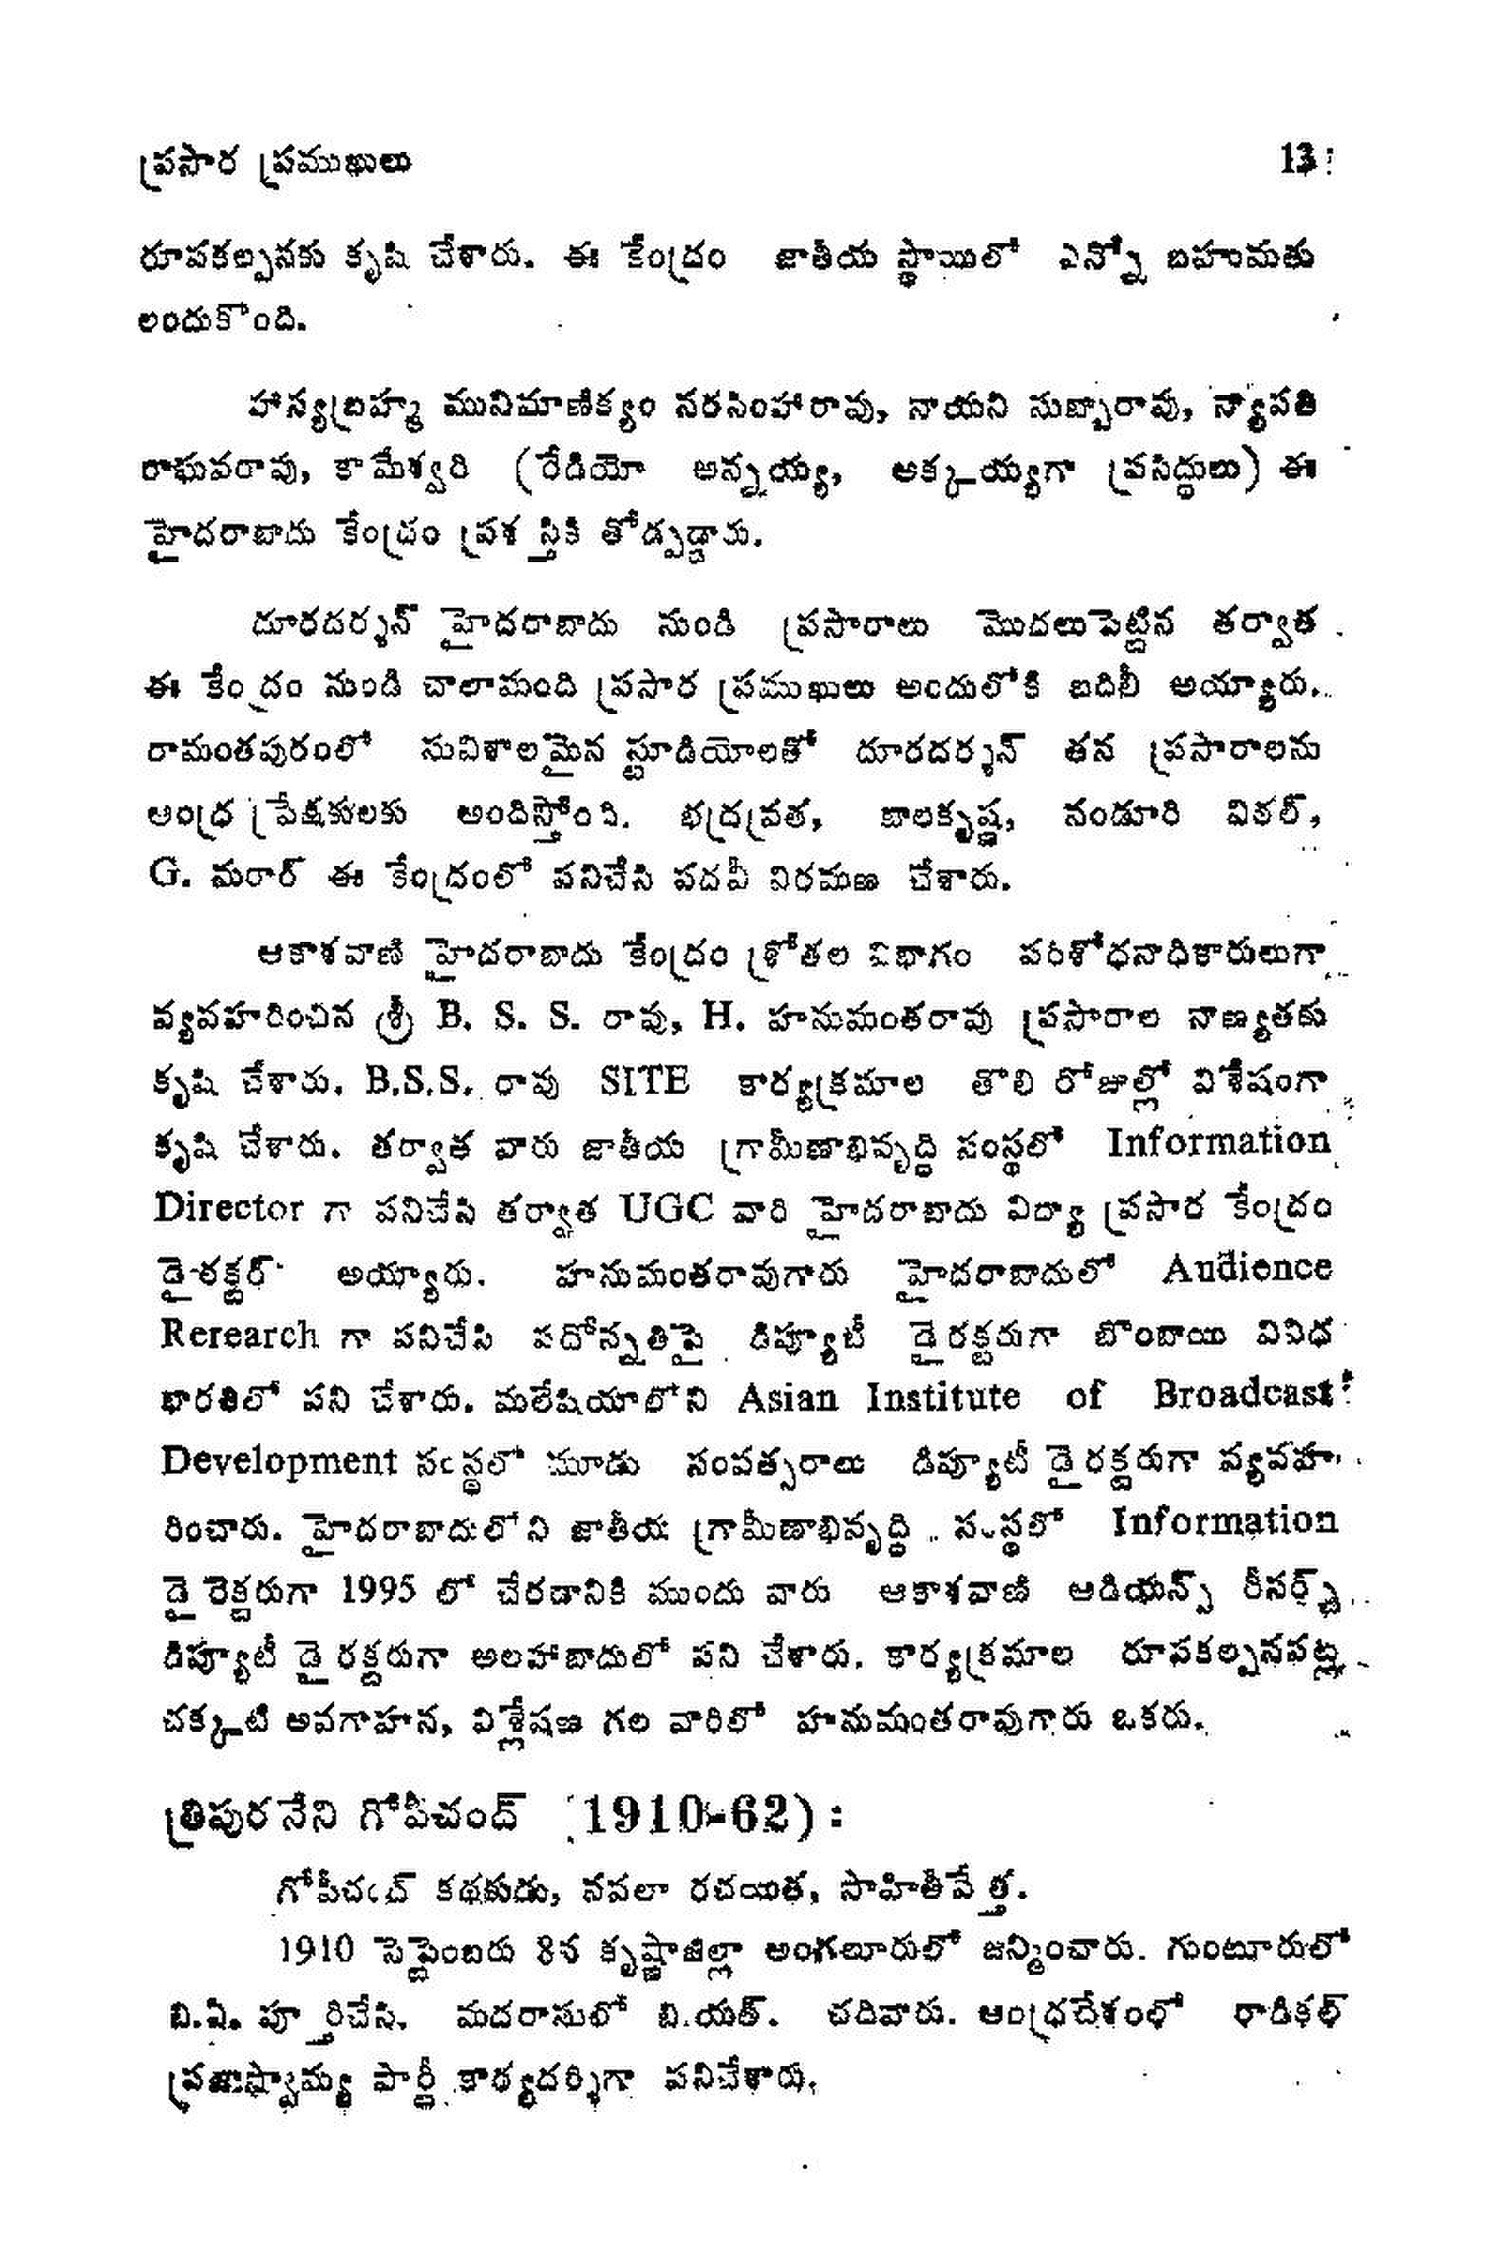రూపకల్పనకు కృషి చేశారు. ఈ కేంద్రం జాతీయ స్థాయిలో ఎన్నో బహుమతు లందుకొంది.

హాస్యబ్రహ్మ మునిమాణిక్యం నరసింహారావు, నాయని సుబ్బారావు, న్యాపతి రాఘవరావు, కామేశ్వరి (రేడియో అన్నయ్య, అక్కయ్యగా ప్రసిద్ధులు) ఈ హైదరాబాదు కేంద్రం ప్రశస్తికి తోడ్పడ్డారు.

దూరదర్శన్ హైదరాబాదు నుండి ప్రసారాలు మొదలుపెట్టిన తర్వాత ఈ కేంద్రం నుండి చాలామంది ప్రసార ప్రముఖులు అందులోకి బదిలీ అయ్యారు. రామంతపురంలో సువిశాలమైన స్టూడియోలతో దూరదర్శన్ తన ప్రసారాలను ఆంధ్ర ప్రేక్షకులకు అందిస్తోంది. భద్రవ్రత, బాలకృష్ణ, నండూరి విఠల్, G. మరార్ ఈ కేంద్రంలో పనిచేసి పదవీ విరమణ చేశారు.

ఆకాశవాణి హైదరాబాదు కేంద్రం శ్రోతల విభాగం పరిశోధనాధికారులుగా వ్యవహరించిన శ్రీ B. S. S. రావు, H. హనుమంతరావు ప్రసారాల నాణ్యతకు కృషి చేశారు. B. S. S. రావు SITE కార్యక్రమాల తొలిరోజుల్లో విశేషంగా కృషి చేశారు. తర్వాత వారు జాతీయ గ్రామీణాభివృద్ధి సంస్థలో Information Director గా పనిచేసి తర్వాత UGC వారి హైదరాబాదు విద్యా ప్రసార కేంద్రం డైరక్టర్ అయ్యారు. హనుమంతరావుగారు హైదరాబాదులో Audience Research గా పనిచేసి పదోన్నతిపై డిప్యూటీ డైరక్టరుగా బొంబాయి వివిధ భారతిలో పని చేశారు. మలేషియాలోని Asian Institute of Broadcast Development సంస్థలో మూడు సంవత్సరాలు డిప్యూటీ డైరక్టరుగా వ్యవహరించారు. హైదరాబాదులోని జాతీయ గ్రామీణాభివృద్ధి సంస్థలో Information డైరెక్టరుగా 1995 లో చేరడానికి ముందు వారు ఆకాశవాణి ఆడియన్స్ రీసర్చ్ డిప్యూటీ డైరక్టరుగా అలహాబాదులో పనిచేశారు. కార్యక్రమాల రూపకల్పనపట్ల చక్కటి అవగాహన, విశ్లేషణ గల వారిలో హనుమంతరావుగారు ఒకరు.

గోపీచంద్ కథకుడు, నవలా రచయిత, సాహితీవేత్త.

1910 సెప్టెంబరు 8న కృష్ణాజిల్లా అంగలూరులో జన్మించారు. గుంటూరులో బి.ఏ. పూర్తిచేసి. మదరాసులో బి.యల్. చదివారు. ఆంధ్రదేశంలో రాడికల్ ప్రజాస్వామ్య పార్టీ కార్యదర్శిగా పనిచేశారు.